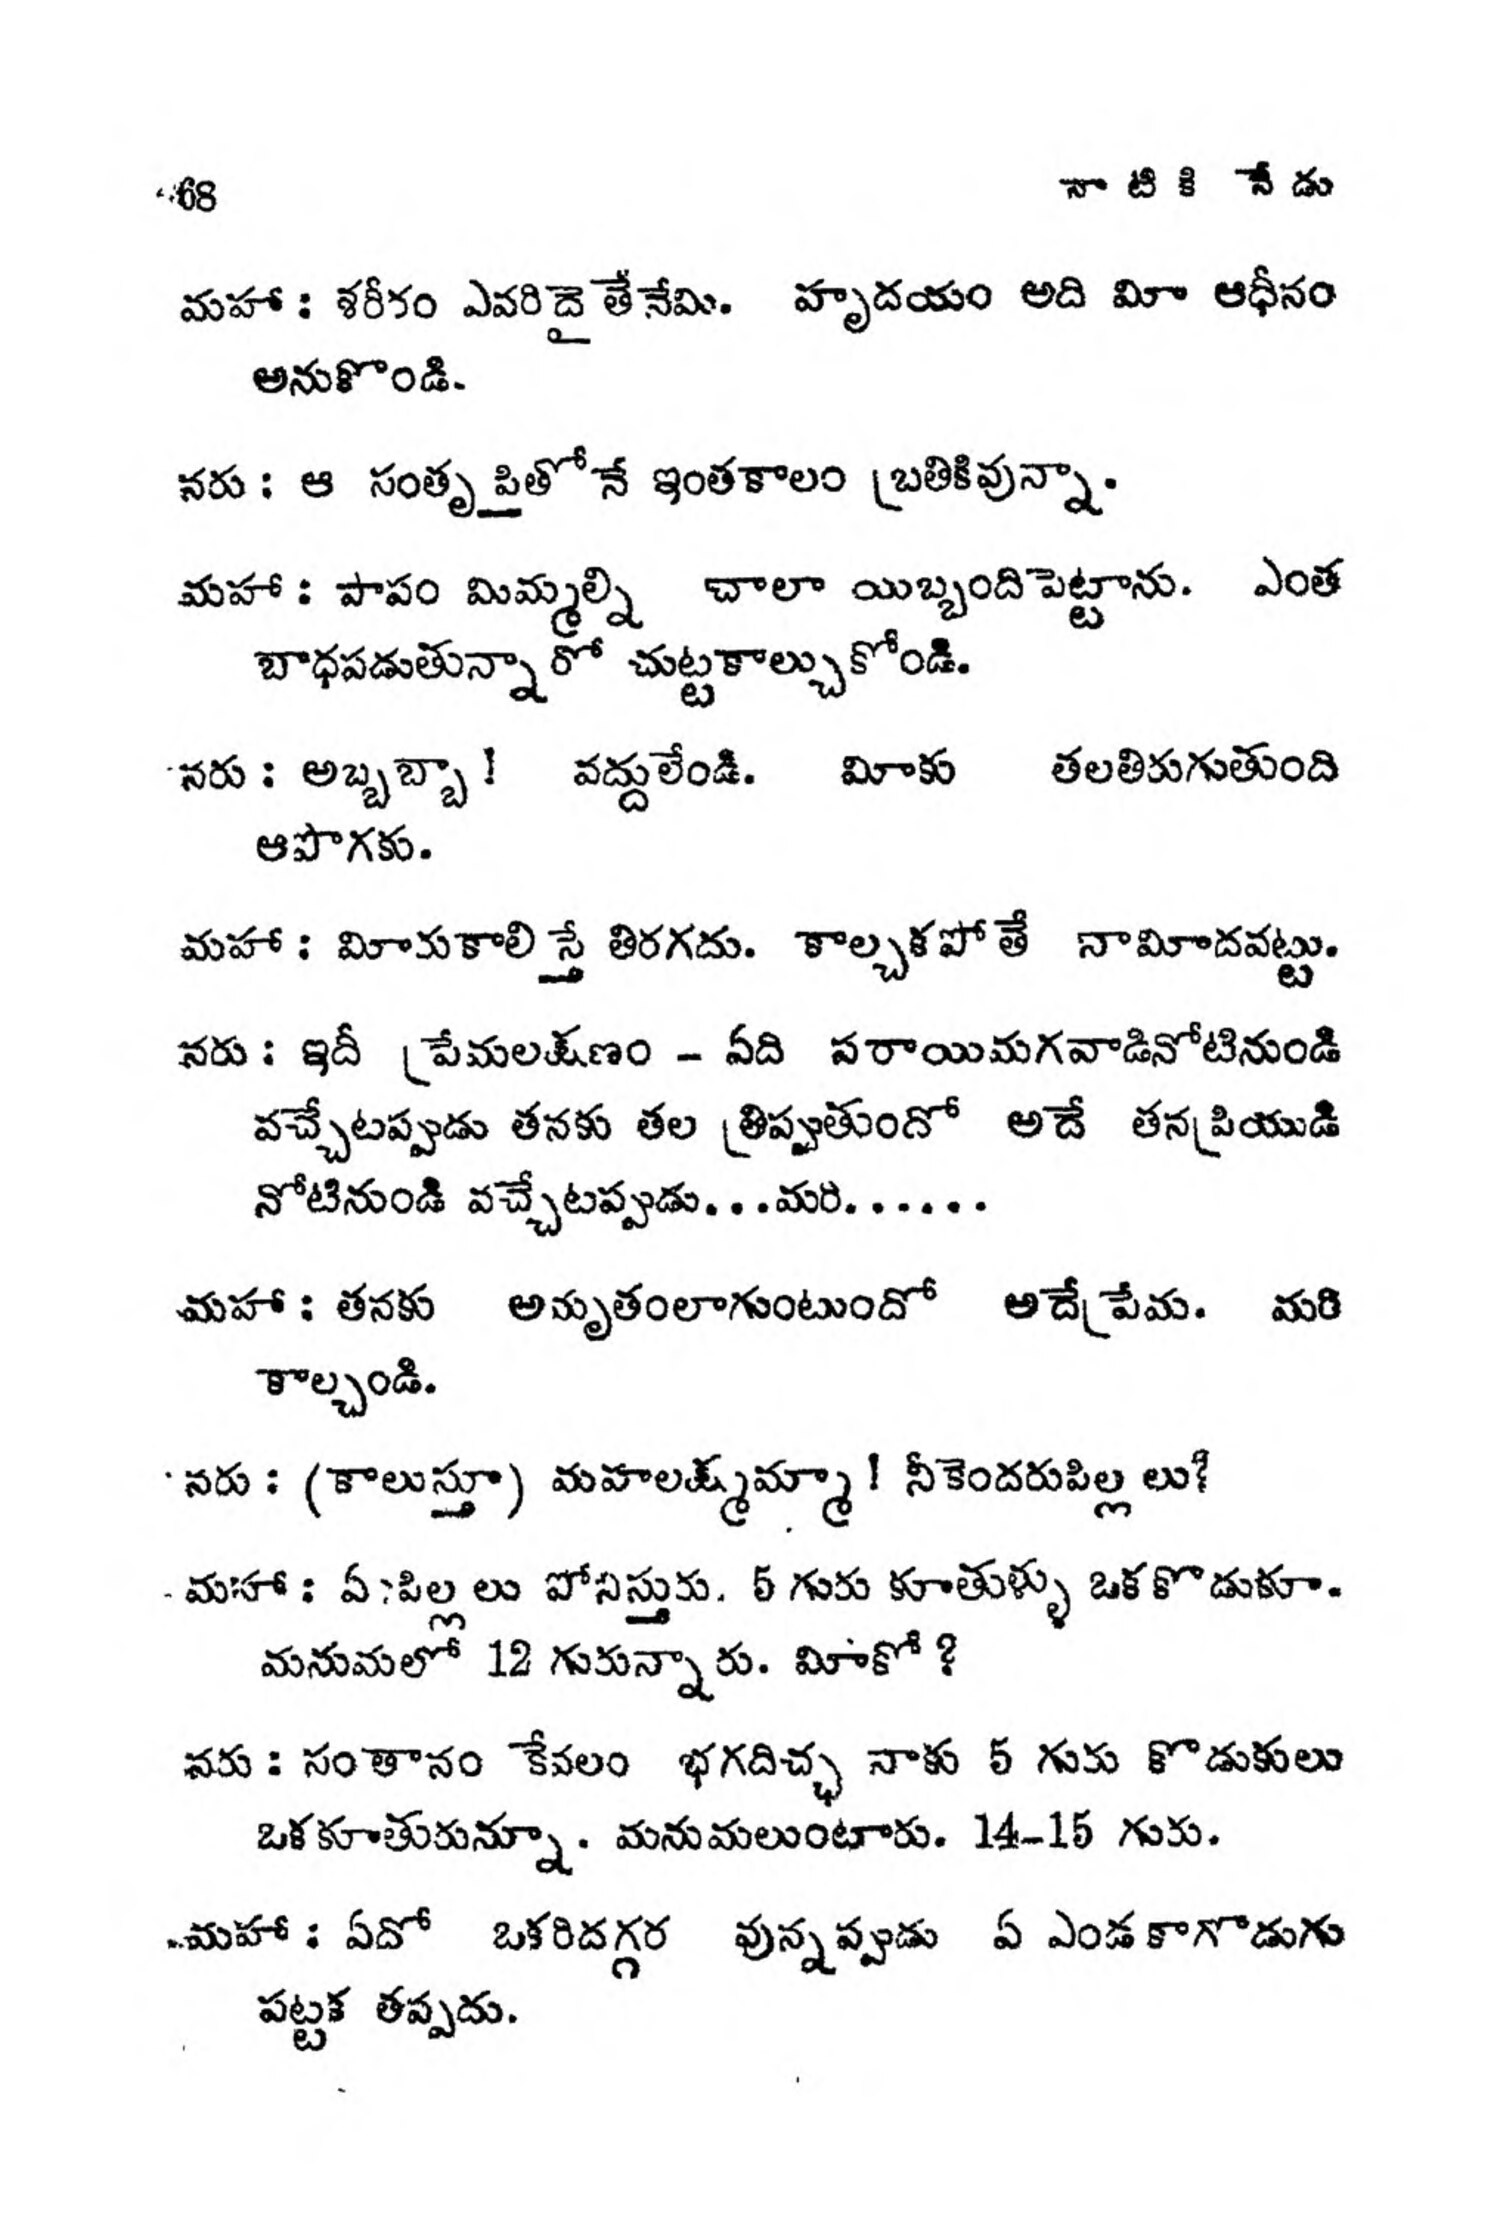మహా : శరీరం ఎవరిదైతేనేమి. హృదయం అది మీ ఆధీనం అనుకొండి.

నరు : ఆ సంతృప్తితోనే ఇంతకాలం బ్రతికివున్నా.

మహా : పాపం మిమ్మల్ని చాలా యిబ్బందిపెట్టాను. ఎంత బాధపడుతున్నారో చుట్టకాల్చుకోండి.

నరు : అబ్బబ్బా ! వద్దులేండి. మీకు తలతిరుగుతుంది ఆపొగకు.

మహా : విూరుకాలిస్తే తిరగదు. కాల్చకపోతే నామీదవట్టు.

నరు : ఇదీ ప్రేమలక్షణం - ఏది పరాయిమగవాడినోటినుండి వచ్చేటప్పుడు తనకు తల త్రిప్పుతుందో అదే తనప్రియుడి నోటినుండి వచ్చేటప్పుడు... మరి.....

మహా : తనకు అమృతంలాగుంటుందో అదేప్రేమ. మరి కాల్చండి.

నరు : (కాలుస్తూ) మహలక్ష్మమ్మా ! నీకెందరుపిల్లలు?

మహా : ఏంపిల్లలు పోనిస్తురు. 5 గురు కూతుళ్ళు ఒక కొడుకూ. మనుమలో 12 గురున్నారు. మీకో ?

నరు : సంతానం కేవలం భగదిచ్ఛ నాకు 5 గురు కొడుకులు ఒకకూతురున్నూ. మనుమలుంటారు. 14-15 గురు.

మహా : ఏదో ఒకరిదగ్గర వున్నప్పుడు ఏ ఎండకాగొడుగు పట్టక తప్పదు.